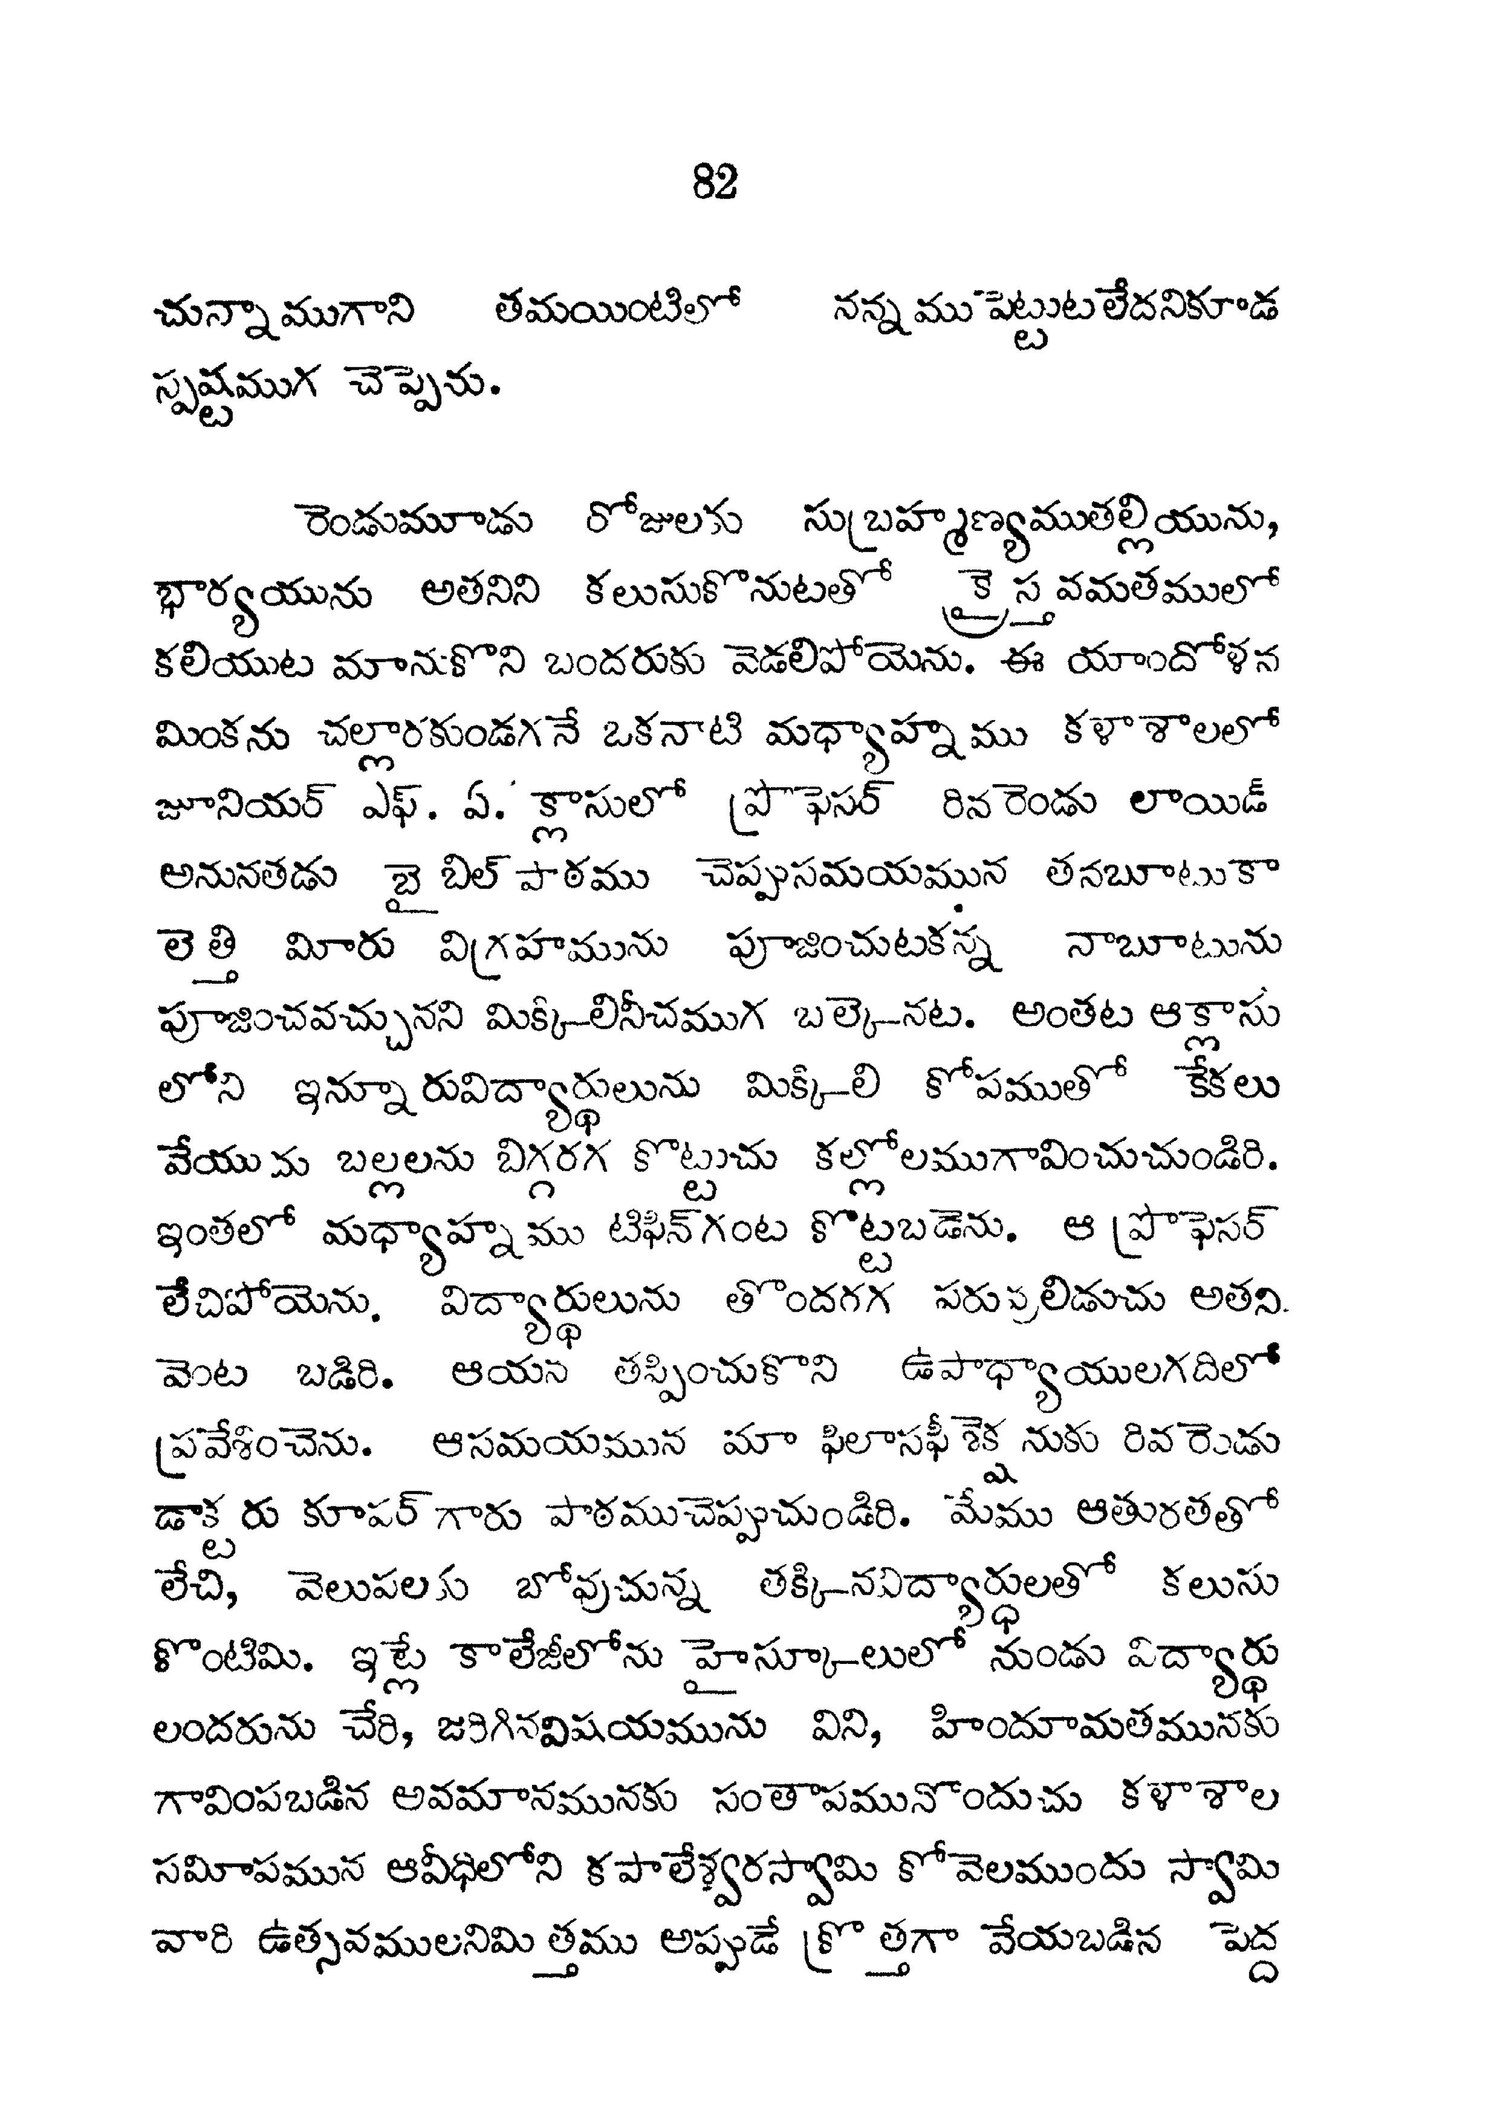చున్నాముగాని తమయింటిలో నన్నముపెట్టుటలేదనికూడ స్పష్టముగ చెప్పెను.

రెండుమూడు రోజులకు సుబ్రహ్మణ్యముతల్లియును, భార్యయును అతనిని కలుసుకొనుటతో క్రైస్తవమతములో కలియుట మానుకొని బందరుకు వెడలిపోయెను. ఈ యాందోళన మింకను చల్లారకుండగనే ఒకనాటి మధ్యాహ్నము కళాశాలలో జూనియర్ ఎఫ్. ఏ. క్లాసులో ప్రొఫెసర్ రివరెండు లాయిడీ అనునతడు బైబిల్‌పాఠము చెప్పుసమయమున తనబూటుకాలెత్తి మీరు విగ్రహమును పూజించుటకన్న నాబూటును పూజించవచ్చునని మిక్కిలినీచముగ బల్కెనట. అంతట ఆక్లాసులోని ఇన్నూరువిద్యార్థులును మిక్కిలి కోపముతో కేకలువేయు బల్లలను బిగ్గరగ కొట్టుచు కల్లోలముగావించుచుండిరి. ఇంతలో మధ్యాహ్నము టిఫిన్‌గంట కొట్టబడెను. ఆ ప్రొఫెసర్ లేచిపోయెను. విద్యార్థులును తొందరగ పరువులిడుచు అతని వెంట బడిరి. ఆయన తప్పించుకొని ఉపాధ్యాయులగదిలో ప్రవేశించెను. ఆసమయమున మా ఫిలాసఫీశెక్‌షనుకు రివరెండు డాక్టరు కూపర్ గారు పాఠముచెప్పుచుండిరి. మేము ఆతురతతో లేచి, వెలుపలకు బోవుచున్న తక్కినవిద్యార్థులతో కలుసుకొంటిమి. ఇట్లే కాలేజీలోను హైస్కూలులో నుండు విద్యార్థు లందరును చేరి, జరిగినవిషయమును విని, హిందూమతమునకు గావింపబడిన అవమానమునకు సంతాపమునొందుచు కళాశాల సమీపమున ఆవీధిలోని కపాలేశ్వరస్వామి కోవెలముందు స్వామివారి ఉత్సవములనిమిత్తము అప్పుడే క్రొత్తగా వేయబడిన పెద్ద